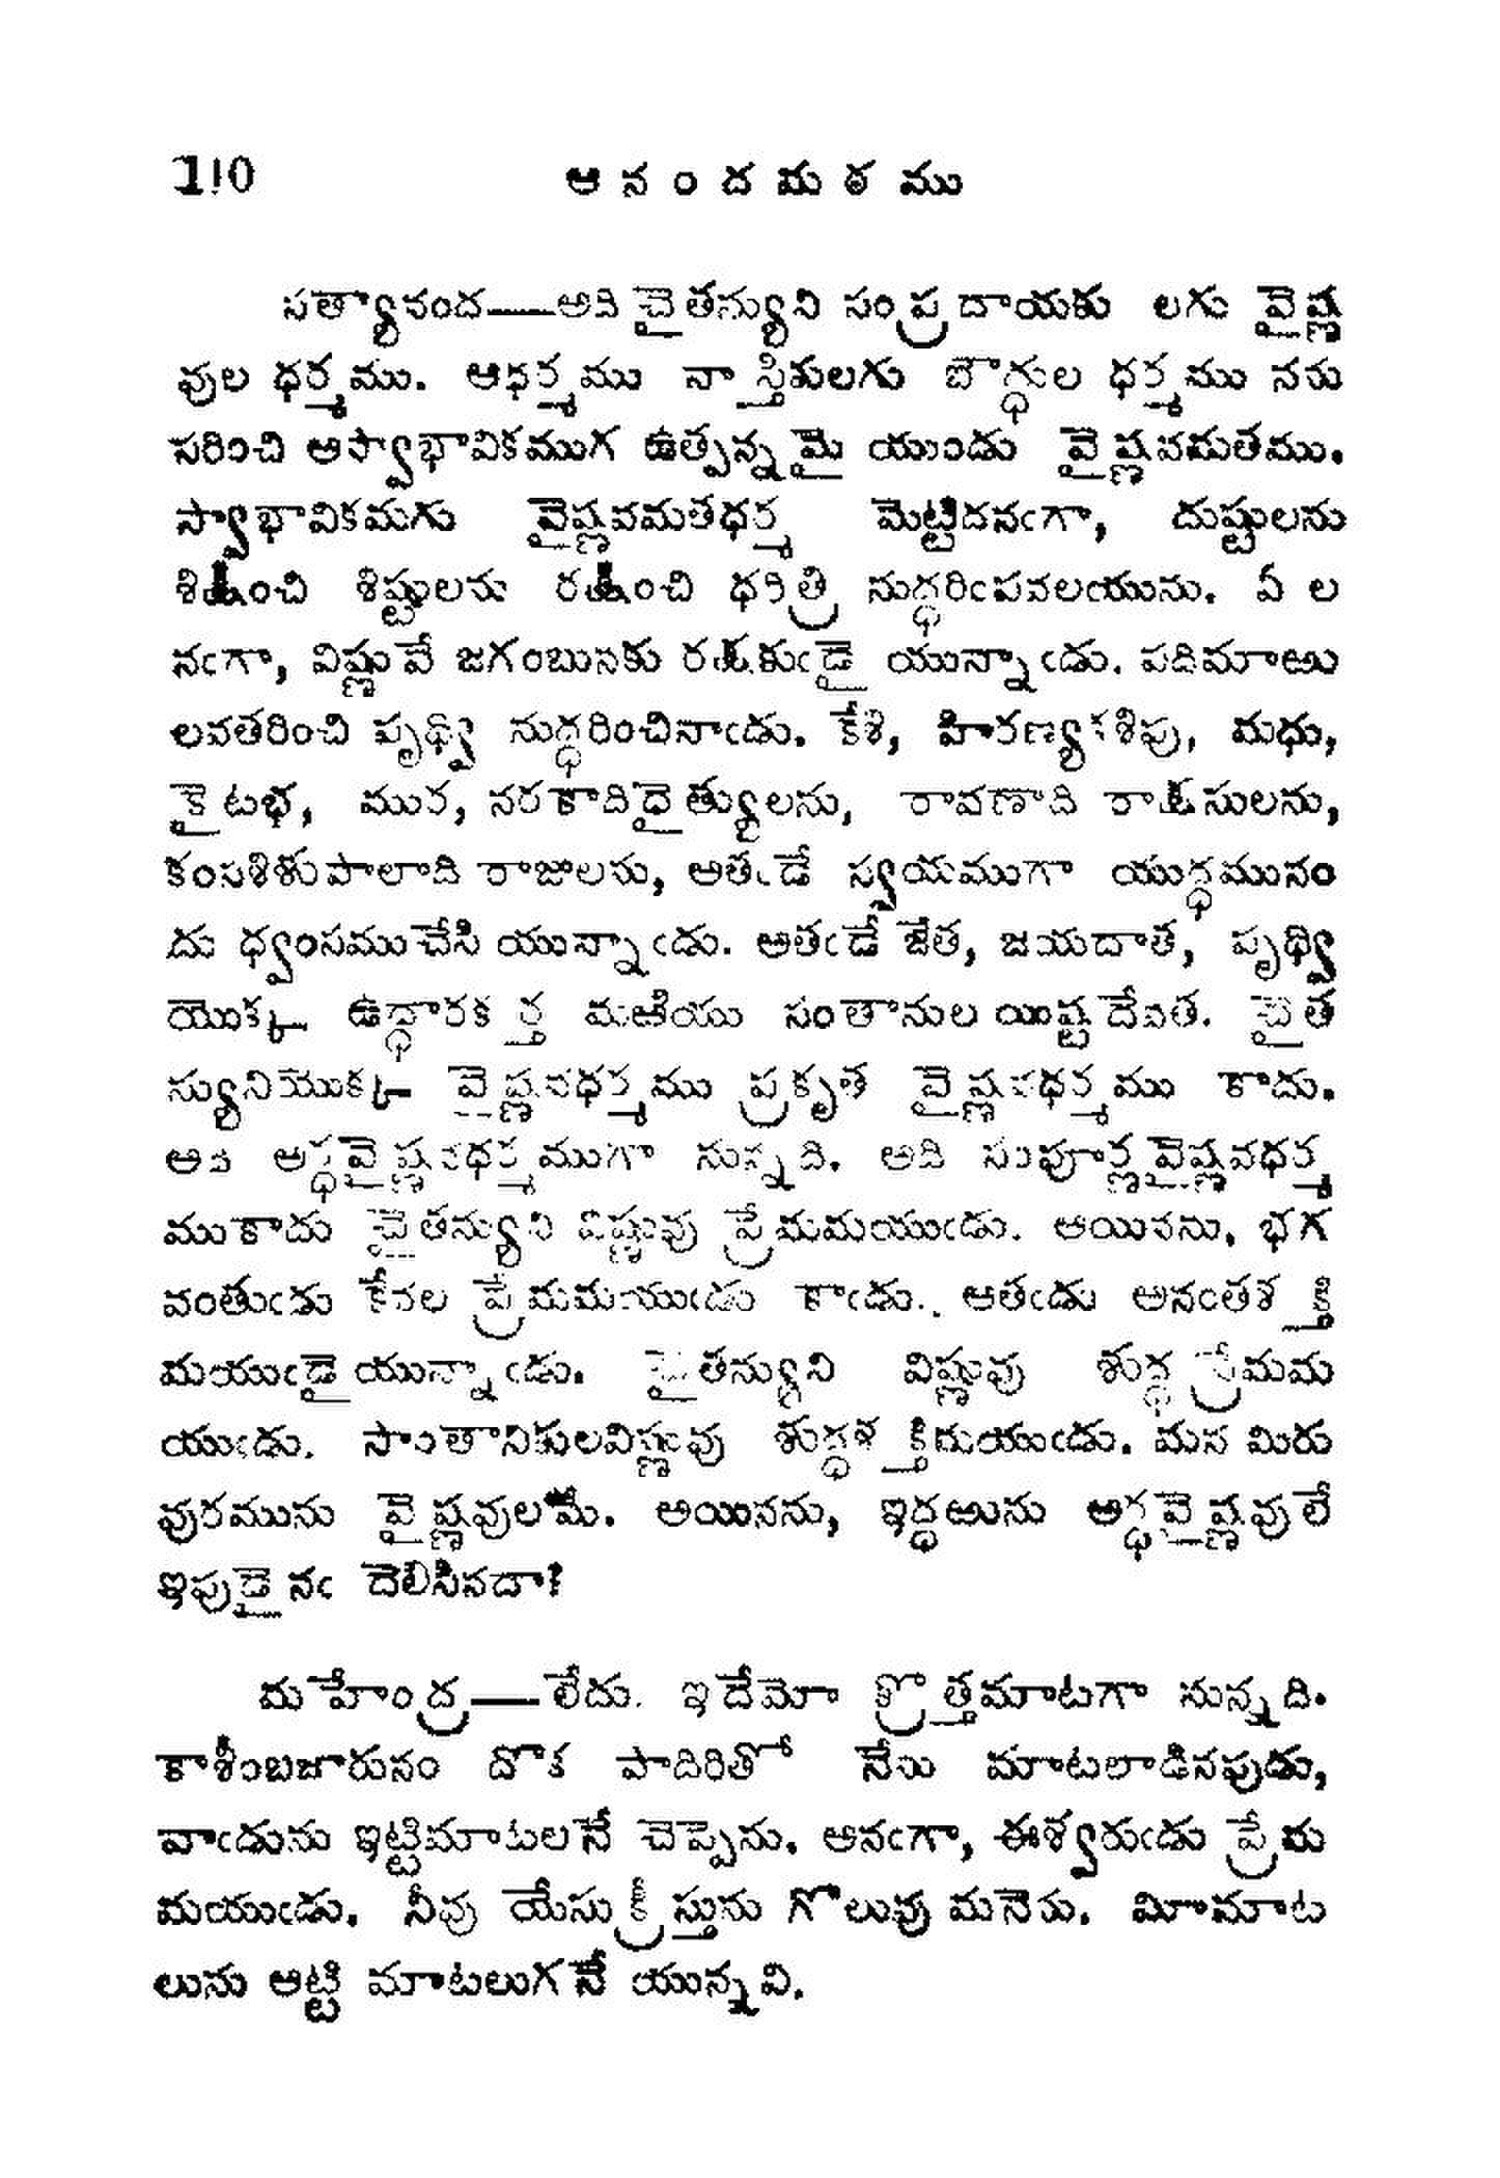సత్యానంద—— అది చైతన్యుని సంప్రదాదాయకు లగు వైష్ణవుల ధర్మము. ఆధర్మము నాస్తికులగు బౌద్ధుల ధర్మము నను
సరించి ఆస్వాభావికముగ ఉత్పన్నమై యుండు వైష్ణవమతము. స్వాభావికమగు వైష్ణవమతధర్మ మెట్టిదనఁగా, దుష్టులను
శిక్షించి శిష్టులను రక్షించి ధరిత్రి నుద్ధరింపవలయును. ఏలనఁగా, విష్ణువే జగంబుసకు రక్షకుఁడై యున్నాఁడు. పదిమాఱు
లవతరించి పృధ్వి నుద్ధరించినాఁడు. కేశి, హిరణ్యకశిపు, మధు, కైటభ, ముర, నరకాది దైత్యులను, రావణాది రాక్షసులను, కంసశిశుపాలాది రాజులను, అతడే స్వయముగా యుద్ధమునందు ధ్వంసము చేసి యున్నాఁడు. అతఁడే జేత, జయదాత, పృధ్వి యొక్క ఉద్ధారకర్త మఱియు సంతానుల యిష్టదేవత. చైతన్యుని యొక్క వైష్ణవధర్మము ప్రకృతి వైష్ణవ ధర్మము కాదు.
అది అర్ధవైష్ణవ ధర్మముగా సున్నది. అది సంపూర్ణ వైష్ణవధర్మము కాదు చైతన్యుని విష్ణువు ప్రేమమయుఁడు. అయినను, భగ
వంతుఁడు కేవల ప్రేమమయుఁడు కాఁడు.. ఆతఁడు అనంతశక్తి మయుఁడై యున్నాఁడు. చైతన్యుని విష్ణువు శుద్ధ ప్రేమమ
యుఁడు. సాంతానికుల విష్ణువు శుద్ద శక్తి మయుఁడు. మన మిరువురమును వైష్ణవులమే. అయినను, ఇద్దఱును అర్ధవైష్ణవులే
ఇపుడైనఁ దెలిసినదా?

మహేంద్ర—— లేదు. ఇదేమో క్రొత్తమాటగా నున్నది. కాశీంబజారునం దొక పాదిరితో నేను మాటలాడినపుడు, వాఁడును ఇట్టిమాటలనే చెప్పెను, అనఁగా, ఈశ్వరుఁడు ప్రేమమయుఁడు. నీవు యేసు క్రీస్తును గొలువు మనెను. మీమాటలును అట్టి
మాటలుగనే యున్నవి.